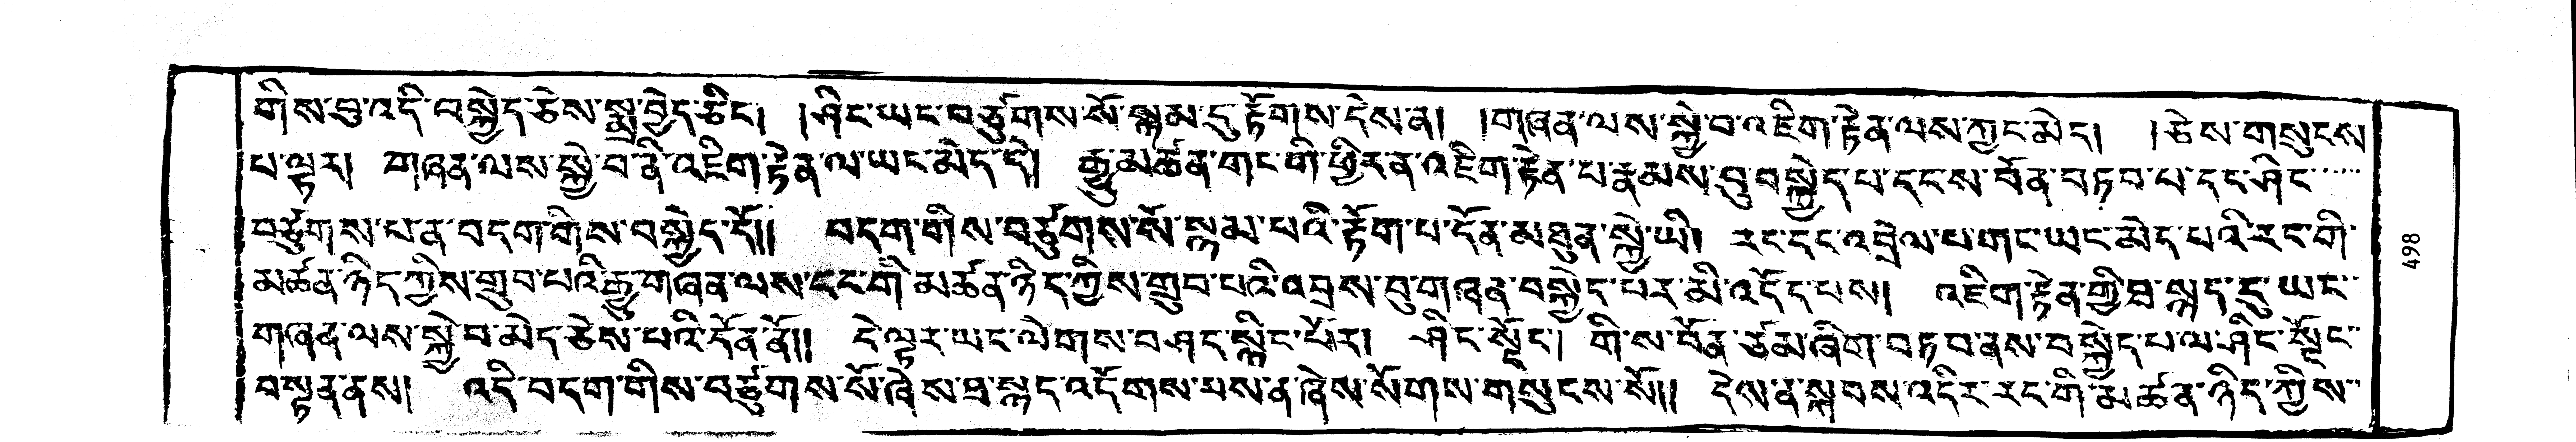གིས་བུ་འདི་བསྐྱེད་ཅེས་སྨྲ་བྱེད་ཅིང་། །ཤིང་ཡང་བཙུགས་སོ་སྙམ་དུ་རྟོགས་དེས་ན། །གཞན་ལས་སྐྱེ་བ་འཇིག་རྟེན་ལས་ཀྱང་མེད། །ཅེས་གསུངས་
པ་ལྟར། གཞན་ལས་སྐྱེ་བ་ནི་འཇིག་རྟེན་ལ་ཡང་མེད་དེ། རྒྱུ་མཚན་གང་གི་ཕྱིར་ན་འཇིག་རྟེན་པ་རྣམས་བུ་བསྐྱེད་པ་དང་ས་བོན་བཏབ་པ་དང་ཤིང་
བཙུགས་པ་ན་བདག་གིས་བསྐྱེད་དོ། །བདག་གིས་བཙུགས་སོ་སྙམ་པའི་རྟོག་པ་དོན་མཐུན་སྐྱེ་ཡི། རང་དང་འབྲེལ་པ་གང་ཡང་མེད་པའི་རང་གི་
མཚན་ཉིད་ཀྱིས་གྲུབ་པའི་རྒྱུ་གཞན་ལས་ངང་གི་མཚན་ཉིད་ཀྱིས་གྲུབ་པའི་འབྲས་བུ་གཞན་བསྐྱེད་པར་མི་འདོད་པས། འཇིག་རྟེན་གྱི་ཐ་སྙད་དུ་ཡང་
གཞན་ལས་སྐྱེ་བ་མེད་ཅེས་པའི་དོན་ནོ། །དེ་ལྟར་ཡང་ལེགས་བཤད་སྙིང་པོར། ཤིང་སྡོང་། གི་ས་བོན་ཙམ་ཞིག་བཏབ་ནས་བསྐྱེད་པ་ལ་ཤིང་སྡོང་
བསྟན་ནས། འདི་བདག་གིས་བཙུགས་སོ་ཞེས་ཐ་སྙད་འདོགས་པས་ན་ཞེས་སོགས་གསུངས་སོ། །དེས་ན་སྐབས་འདིར་རང་གི་མཚན་ཉིད་ཀྱིས་